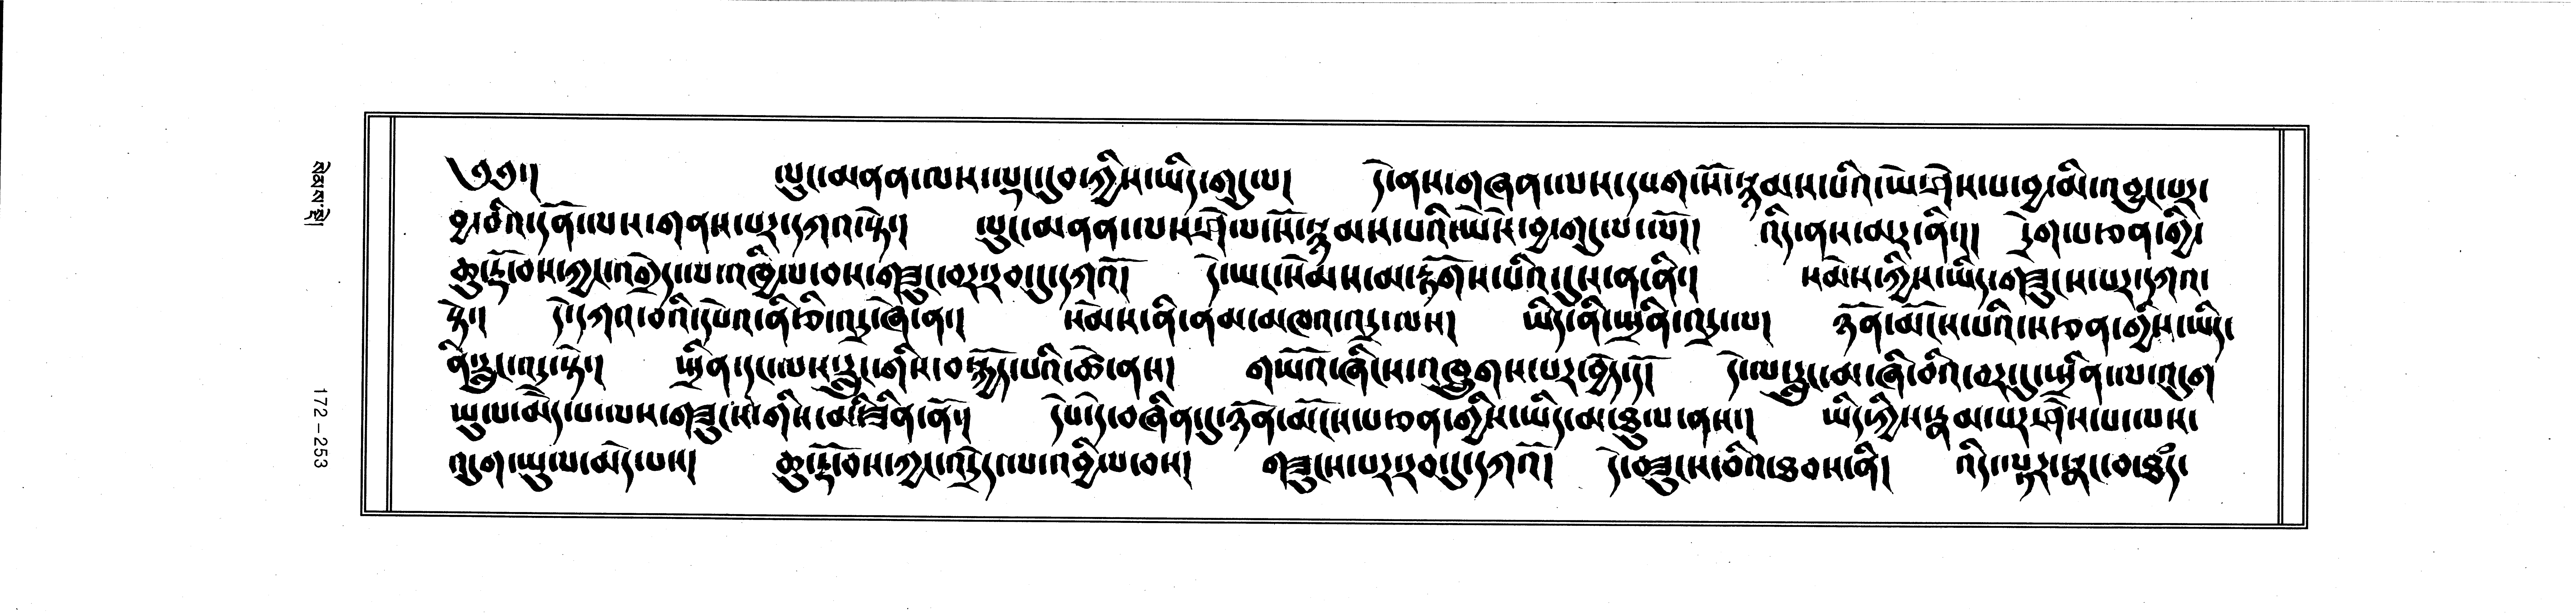ལུང་མནན་ལས་ཤེལ་སོ་སྙམས་པའི་ཡེ་ཤེས་བྱ་གདུལ་ལོ། འདི་ནས་མར་ནི། དྲེགས་པ་ཅན་གྱི་
ཆུ་རྡོ་བས་ཀྱང་འགྲེད་ལ་འཁྱིལ་བས་བཟུང་བར་རབ་དུ་དཀའོ། དེ་ཡང་སེམས་མ་རྟོགས་པའི་དུས་ན་ནི། སེམས་ཀྱིས་ཡིད་བཟུང་པར་དཀའ་
སྟེ། དེ་དཀའ་བའི་དཔེའ་ནི་ཅི་འདྲ་ཞེ་ན། སེམས་ནི་ནམ་མཁའ་འདྲ་ལས། ཡིད་ནི་སྤྲིན་འདྲ་ལ། ཉོན་མོངས་པའི་ས་ཅན་གྱིས་ཡིད་
ནི་རླུང་འདྲ་སྟེ། སྤྲིན་དང་ལས་རླུང་གིས་བསྐྱོད་པའི་ཚེ་ནས། གཡོའ་ཞིང་འཁྲུགས་པར་བྱེད་དོ། དེ་ལ་རླུང་མ་ཞི་བའི་བར་དུ་སྤྲིན་ལ་འདུག་
ཡུལ་མེད་པ་ལས་བཟུང་གིས་མི་ཟིན་ནོ། དཔེ་དེ་བཞིན་དུ་ཉོན་མོངས་པ་ཅན་གྱིས་ཡིད་མ་ཐུལ་ནས། ཡིད་ཀྱིས་རྣམ་པར་ཤེས་པ་ལས་
འདུག་ཡུལ་མེད་པས། ཆུ་རྡོ་བས་ཀྱང་འདྲེད་ལ་འབྱིལ་བས། བཟུང་པར་རབ་དུ་དཀའོ། དེ་བཟུངས་བའི་ཐབས་ནི། འདི་ལྟར་སྣང་བ་ཐམས་ཅད་སེམས་